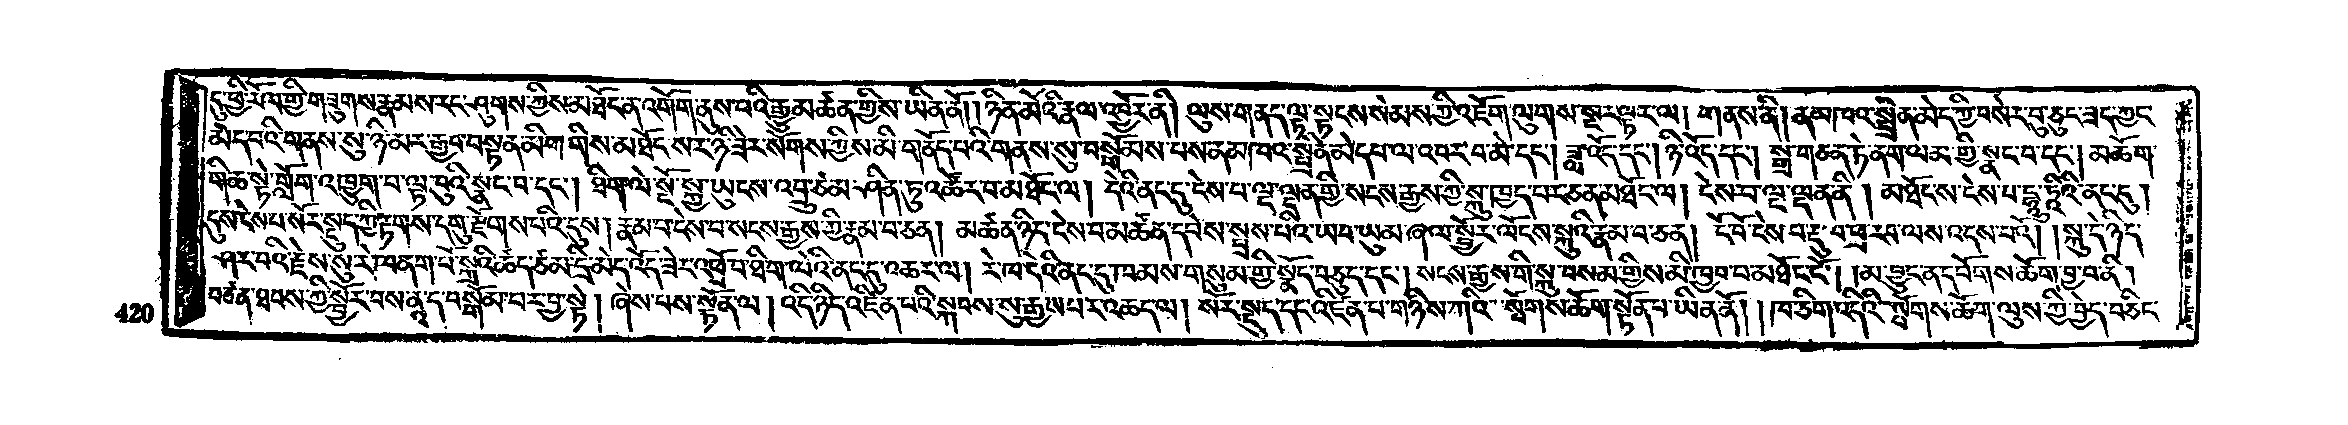དུ་ཕྱི་རོལ་གྱི་གཟུགས་རྣམས་རང་ཤུགས་ཀྱིས་མཐོང་ན་འགོག་ནུས་པའི་རྒྱུ་མཚན་གྱིས་ཡིན་ནོ། །ཉིན་མོའི་རྣལ་འབྱོར་ནི། ལུས་གནད་ལྟ་སྟངས་སེམས་ཀྱི་འཇོག་ལུགས་སྔར་ལྟར་ལ། གནས་ནི། ནམ་མཁའ་སྤྲིན་མེད་ཀྱི་བསེར་བུ་ཅུང་ཟད་ཀྱང་
མེད་པའི་གནས་སུ་ཉི་མར་རྒྱབ་བསྟན་མིག་གིས་མཐོང་སར་ཉི་ཟེར་སོགས་ཀྱིས་མི་གནོད་པའི་གནས་སུ་བསྒོམས་པས་ནམ་མཁའ་སྤྲིན་མེད་པ་ལ་འབར་བ་མེ་དང་། ཟླ་འོད་དང་། ཉི་འོད་དང་། སྒྲ་གཅན་ཏེ་ནག་ལམ་གྱི་སྣང་བ་དང་། མཆོག་
གི་ཆ་སྟེ་གློག་འཁྱུག་པ་ལྟ་བུའི་སྣང་བ་དང་། ཐིག་ལེ་སྔོ་སྐྱ་ཡུངས་འབྲུ་ཙམ་ཤིན་ཏུ་འཚོར་བ་མཐོང་ལ། དེའི་ནང་དུ་ངེས་པ་ལྔ་ལྡན་གྱི་སངས་རྒྱས་ཀྱི་སྐུ་ཁྱད་པར་ཅན་མཐོང་ལ། ངེས་པ་ལྔ་ལྡན་ནི། མཐོང་ས་ངེས་པ་དྷཱུ་ཏཱིའི་ནང་དུ།
དུས་ངེས་པ་སོར་སྡུད་ཀྱི་རྟགས་དགུ་རྫོགས་པའི་དུས། རྣམ་པ་ངེས་པ་སངས་རྒྱས་ཀྱི་རྣམ་པ་ཅན། མཚན་ཉིད་ངེས་པ་མཚན་དཔེས་སྤྲས་པའི་ཡབ་ཡུམ་ཞལ་སྦྱོར་ལོངས་སྐུའི་རྣམ་པ་ཅན། ངོ་བོ་ངེས་བ་རྡུ་བ་ཕྲ་རབ་ལས་འདས་པའོ། །སྐུ་དེ་ཉིད་
ཤར་བའི་རྗེས་སུ་རེ་ཁ་ནག་པོ་སྐྲའི་ཚད་ཙམ་དྲི་མེད་འོད་ཟེར་འཕྲོ་བ་ཐིག་ལེའི་དང་དུ་འཆར་ལ། རེ་ཁ་དེའི་ནང་དུ་ཁམས་གསུམ་གྱི་སྣོད་བཅུད་དང་། སངས་རྒྱས་གི་སྐུ་བསམ་གྱིས་མི་ཁྱབ་པ་མཐོང་ངོ། །མ་བྱུང་ན་དཔོགས་ཆོག་བྱ་བ་ནི།
བཙན་ཐབས་ཀྱི་སྦྱོར་བས་ནཱ་ད་བསྒོམ་པར་བྱ་སྟེ། ཞེས་པས་སྟོན་ལ། འདི་ཉིད་འཛིན་པའི་སྐབས་སུ་རྒྱས་པར་འཆད་ལ། སོར་འྶྡུད་དང་འཛིན་པ་གཉིས་ཀའི་སྤོགས་ཆོག་སྟོན་པ་ཡིན་ནོ། །ཁ་ཅིག་འདིའི་སྤོགས་ཆོག་ལུས་ཀྱི་བྱེད་བཅིང་